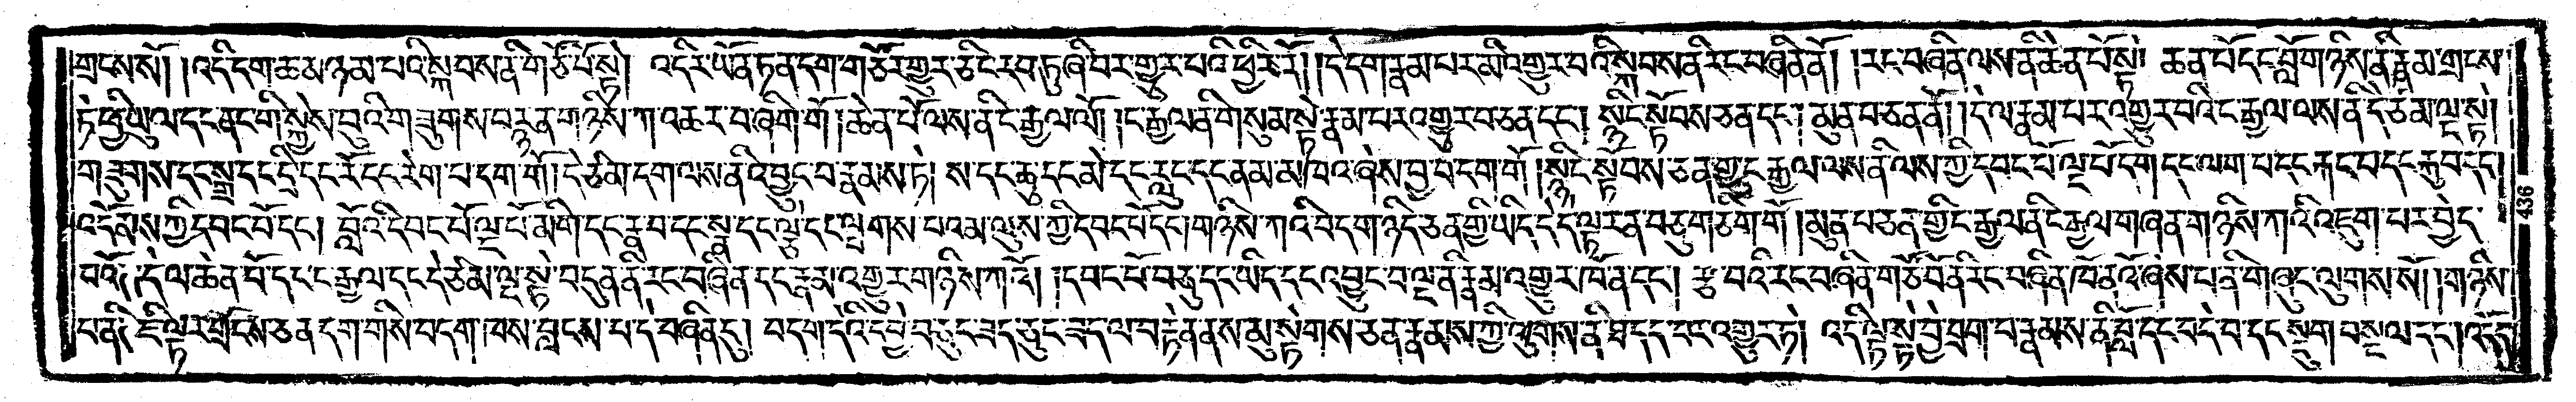གྲངས་སོ། །འདི་དག་ཆ་མཉམ་པའི་སྐབས་ནི་གཙོ་བོ་སྟེ། འདིར་ཡོན་ཏན་དག་གཙོར་གྱུར་ཅིང་རབ་ཏུ་ཞི་བར་གྱུར་པའི་ཕྱིར་རོ། །དེ་དག་རྣམ་པར་མི་འགྱུར་བའི་སྐབས་ནི་རང་བཞིན་ནོ། །རང་བཞིན་ལས་ནི་ཆེན་པོ་སྟེ། ཆེན་པོ་དང་བློ་གཉིས་ནི་རྣམ་གྲངས་
ཏེ་ཕྱི་ཡུལ་དང་ནང་གི་སྐྱེས་བུའི་གཟུགས་བརྙན་གཉིས་ཀ་འཆར་བ་ཞིག་གོ །ཆེན་པོ་ལས་ནི་ང་རྒྱལ་ལོ། །ང་རྒྱལ་ནི་གསུམ་སྟེ་རྣམ་པར་འགྱུར་བ་ཅན་དང་། སྙིང་སྟོབས་ཅན་དང་། མུན་པ་ཅན་ནོ། །དེ་ལ་རྣམ་པར་འགྱུར་བའི་ང་རྒྱལ་ལས་ནི་དེ་ཙམ་ལྔ་སྟེ།
གཟུགས་དང་སྒྲ་དང་དྲི་དང་རོ་དང་རེག་པ་དག་གོ། དེ་ཙམ་དག་ལས་ནི་འབྱུང་བ་རྣམས་ཏེ། ས་དང་ཆུ་དང་མེ་དང་རླུང་དང་ནམ་མཁའ་ཞེས་བྱ་བ་དག་གོ །སྙིང་སྟོབས་ཅན་གྱི་ང་རྒྱལ་ལས་ནི་ལས་ཀྱི་དབང་པོ་ལྔ་པོ་དག་དང་ལག་པ་དང་རྐང་པ་དང་རྐུབ་དང་།
འདོམས་ཀྱི་དབང་པོ་དང་། བློའི་དབང་པོ་ལྔ་པོ་མིག་དང་རྣ་བ་དང་སྣ་དང་ལྕེ་དང་ལྤགས་པའམ་ལུས་ཀྱི་དབང་པོ་དང་། གཉིས་ཀའི་བདག་ཉིད་ཅན་གྱི་ཡིད་དེ་དེ་ལྟར་ན་བཅུ་གཅིག་གོ །མུན་པ་ཅན་གྱི་ང་རྒྱལ་ནི་ང་རྒྱལ་གཞན་གཉིས་ཀའི་འཇུག་པར་བྱེད་
པའོ༑ ༑དེ་ལ་ཆེན་པོ་དང་ང་རྒྱལ་དང་དེ་ཙམ་ལྔ་སྟེ་བདུན་ནི་རང་བཞིན་དང་རྣམ་འགྱུར་གཉིས་ཀའོ། །དབང་པོ་བཅུ་དང་ཡིད་དང་འབྱུང་བ་ལྔ་ནི་རྣམ་འགྱུར་ཁོ་ན་དང་། རྩ་བའི་རང་བཞིན་གཙོ་བོ་ནི་རང་བཞིན་ཁོ་ནའོ་ཞེས་པ་ནི་གཞུང་ལུགས་སོ། །གཉིས་
པ་ནི༑ ཇི་ལྟར་གྲངས་ཅན་དག་གིས་བདག་ཁས་བླངས་པ་དེ་བཞིན་དུ། བདག་དེའི་དབྱེ་བ་ཅུང་ཟད་ཅུང་ཟད་ལ་བརྟེན་ནས་མུ་སྟེགས་ཅན་རྣམས་ཀྱི་ལུགས་ནི་ཐ་དད་པར་འགྱུར་ཏེ། འདི་ལྟ་སྟེ་བྱེ་བྲག་པ་རྣམས་ནི་བློ་དང་བདེ་བ་དང་སྡུག་བསྔལ་དང་། འདོད་